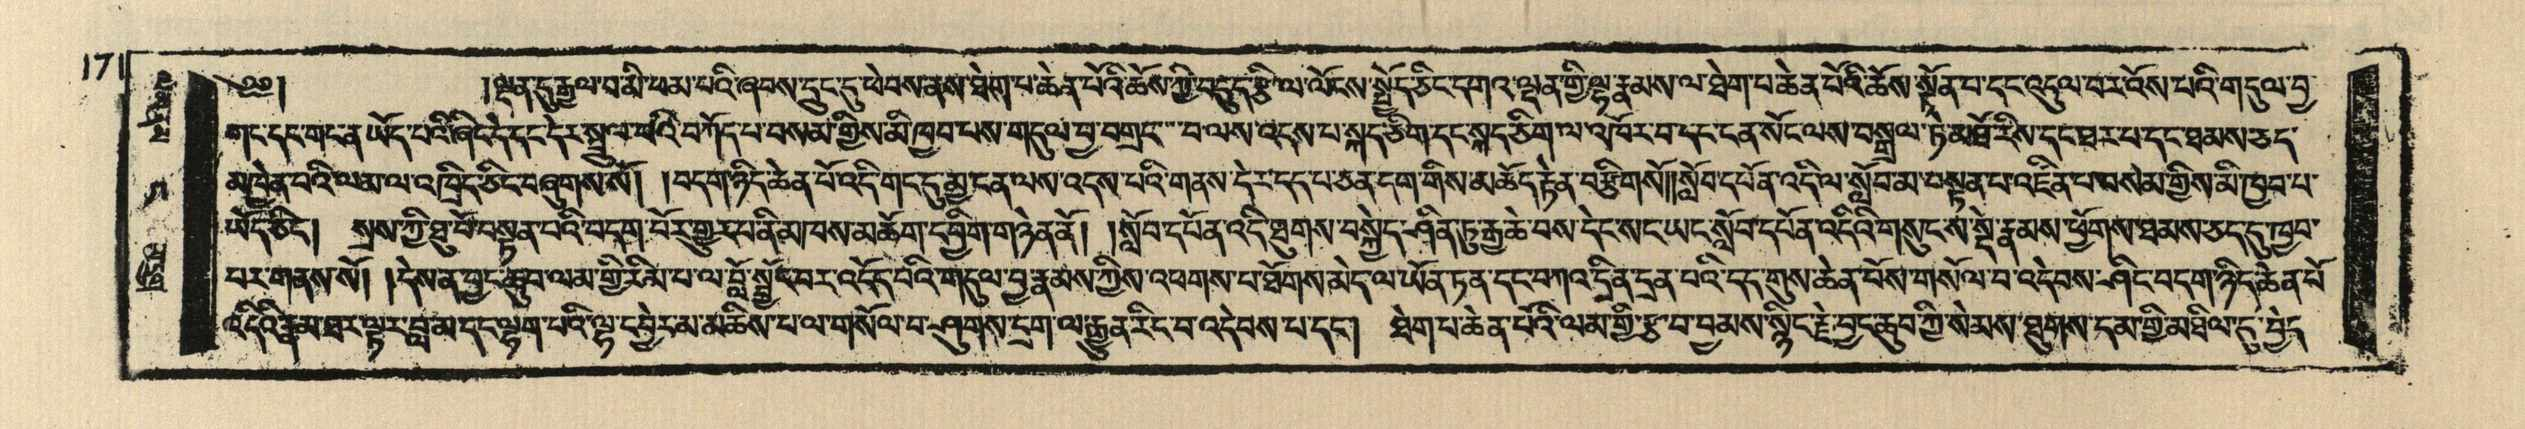༄༅། །ལྡན་དུ་རྒྱལ་བ་མི་ཕམ་པའི་ཞབས་དྲུང་དུ་ཕེབས་ནས་ཐེག་པ་ཆེན་པོའི་ཆོས་ཀྱི་བདུད་རྩི་ལ་ལོངས་སྤྱོད་ཅིང་དགའ་ལྡན་གྱི་ལྷ་རྣམས་ལ་ཐེག་པ་ཆེན་པོའི་ཆོས་སྟོན་པ་དང་འདུལ་བར་འོས་པའི་གདུལ་བྱ་
གང་དང་གང་ན་ཡོད་བའི་ཞིང་དེ་དང་དེར་སྤྲུལ་བའི་བཀོད་པ་བསམ་གྱིས་མི་ཁྱབ་པས་གདུལ་བྱ་བགྲང་བ་ལས་འདས་པ་སྐད་ཅིག་དང་སྐད་ཅིག་ལ་འཁོར་བ་དང་ངན་སོང་ལས་བསྒྲལ་ཏེ་མཐོ་རིས་དང་ཐར་པ་དང་ཐམས་ཅད་
མཁྱེན་བའི་ལམ་ལ་འཁྲིད་ཅིང་བཞུགས་སོ། །བདག་ཉིད་ཆེན་པོ་འདི་གང་དུ་མྱ་ངན་ལས་འདས་པའི་གནས་དེར་དད་པ་ཅན་དག་གིས་མཆོད་རྟེན་བརྩིག་སོ། །སློབ་དཔོན་འདི་ལ་སློབ་མ་བསྟན་པ་འཛིན་པ་བསེམ་གྱིས་མི་ཁྱབ་པ་
ཡོད་ཅིང་། སྲས་ཀྱི་ཐུ་བོ་བསྟན་བའི་བདག་བོར་གྱུར་པ་ནི་མཁས་མཆོག་དབྱིག་གཉེན་ནོ། །སློབ་དཔོན་འདི་ཐུགས་བསྐྱེད་ཤིན་ཏུ་རྒྱ་ཆེ་བས་དེ་སང་ཡང་སློབ་དཔོན་འདིའི་གསུང་ས་སྡེ་རྣམས་ཕྱོགས་ཐམས་ཅད་དུ་ཁྱབ་
པར་གནས་སོ། །དེས་ན་བྱང་ཆུབ་ལམ་གྱི་རིམ་པ་ལ་བློ་སྦྱོང་བར་འདོད་བའི་གདུལ་བྱ་རྣམས་ཀྱིས་འཕགས་པ་ཐོགས་མེད་ལ་ཡོན་ཏན་དང་བཀའ་དྲིན་དྲན་པའི་དད་གུས་ཆེན་པོས་གསོལ་བ་འདེབས་ཤིང་བདག་ཉིད་ཆེན་པོ་
འདིའི་རྣམ་ཐར་ལྟར་བླ་མ་དང་ལྷག་པའི་ལྷ་དབྱེར་མ་མཆིས་པ་ལ་གསོལ་བ་ཤུགས་དྲག་ལ་རྒྱུན་རིང་བ་འདེབས་པ་དང་། ཐེག་པ་ཆེན་པོའི་ལམ་གྱི་རྩ་བ་བྱམས་སྙིང་རྗེ་བྱང་ཆུབ་ཀྱི་སེམས་ཐུགས་དམ་གྱི་མཐིལ་དུ་བྱེད་